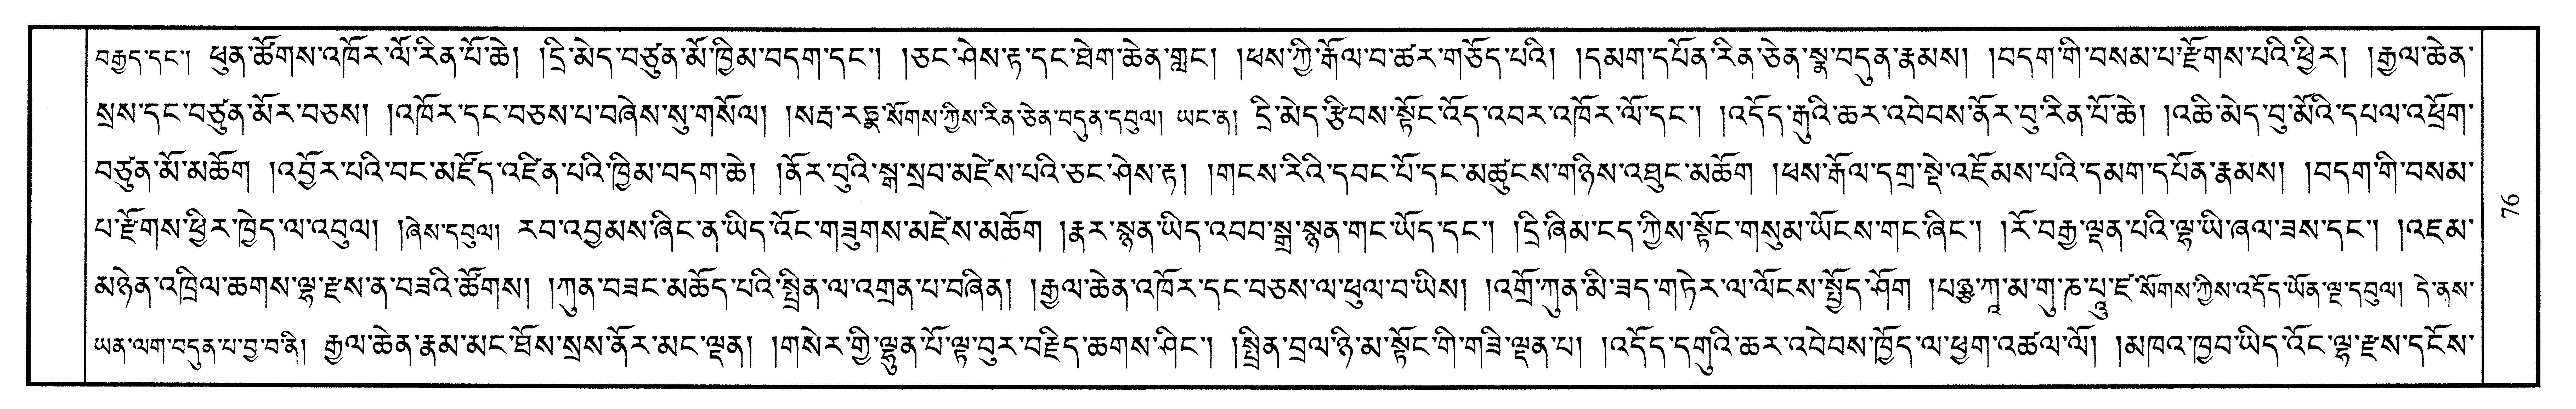བརྒྱད་དང་། ཕུན་ཚོགས་འཁོར་ལོ་རིན་པོ་ཆེ། །དྲི་མེད་བཙུན་མོ་ཁྱིམ་བདག་དང་། །ཅང་ཤེས་རྟ་དང་ཐེག་ཆེན་གླང་། །ཕས་ཀྱི་རྒོལ་བ་ཚར་གཅོད་པའི། །དམག་དཔོན་རིན་ཅེན་སྣ་བདུན་རྣམས། །བདག་གི་བསམ་པ་རྫོགས་པའི་ཕྱིར། །རྒྱལ་ཆེན་
སྲས་དང་བཙུན་མོར་བཅས། །འཁོར་དང་བཅས་པ་བཞེས་སུ་གསོལ། །སརྦ་རཏྣ་སོགས་ཀྱིས་རིན་ཅེན་བདུན་དབུལ། ཡང་ན། དྲི་མེད་རྩིབས་སྟོང་འོད་འབར་འཁོར་ལོ་དང་། །འདོད་རྒུའི་ཆར་འབེབས་ནོར་བུ་རིན་པོ་ཆེ། །འཆི་མེད་བུ་མོའི་དཔལ་འཕྲོག་
བཙུན་མོ་མཆོག །འབྱོར་པའི་བང་མཛོད་འཛིན་པའི་ཁྱིམ་བདག་ཆེ། །ནོར་བུའི་སྒ་སྲབ་མཛེས་པའི་ཅང་ཤེས་རྟ། །གངས་རིའི་དབང་པོ་དང་མཚུངས་གཉིས་འཐུང་མཆོག །ཕས་རྒོལ་དགྲ་སྡེ་འཇོམས་པའི་དམག་དཔོན་རྣམས། །བདག་གི་བསམ་
པ་རྫོགས་ཕྱིར་ཁྱེད་ལ་འབུལ། །ཞེས་དབུལ། རབ་འབྱམས་ཞིང་ན་ཡིད་འོང་གཟུགས་མཛེས་མཆོག །རྣར་སྙན་ཡིད་འབབ་སྒྲ་སྙན་གང་ཡོད་དང་། །དྲི་ཞིམ་ངད་ཀྱིས་སྟོང་གསུམ་ཡོངས་གང་ཞིང་། །རོ་བརྒྱ་ལྡན་པའི་ལྷ་ཡི་ཞལ་ཟས་དང་། །འཇམ་
མཉེན་འཁྲིལ་ཆགས་ལྷ་རྫས་ན་བཟའི་ཚོགས། །ཀུན་བཟང་མཆོད་པའི་སྤྲིན་ལ་འགྲན་པ་བཞིན། །རྒྱལ་ཆེན་འཁོར་དང་བཅས་ལ་ཕུལ་བ་ཡིས། །འགྲོ་ཀུན་མི་ཟད་གཏེར་ལ་ལོངས་སྤྱོད་ཤོག །པཉྩ་ཀཱ་མ་གུ་ཎ་པཱུ་ཛ་སོགས་ཀྱིས་འདོད་ཡོན་ལྔ་དབུལ། དེ་ནས་
ཡན་ལག་བདུན་པ་བྱ་བ་ནི། རྒྱལ་ཆེན་རྣམ་མང་ཐོས་སྲས་ནོར་མང་ལྡན། །གསེར་གྱི་ལྷུན་པོ་ལྟ་བུར་བརྗིད་ཆགས་ཤིང་། །སྤྲིན་བྲལ་ཉི་མ་སྟོང་གི་གཟི་ལྡན་པ། །འདོད་དགུའི་ཆར་འབེབས་ཁྱོད་ལ་ཕྱག་འཚལ་ལོ། །མཁའ་ཁྱབ་ཡིད་འོང་ལྷ་རྫས་དངོས་